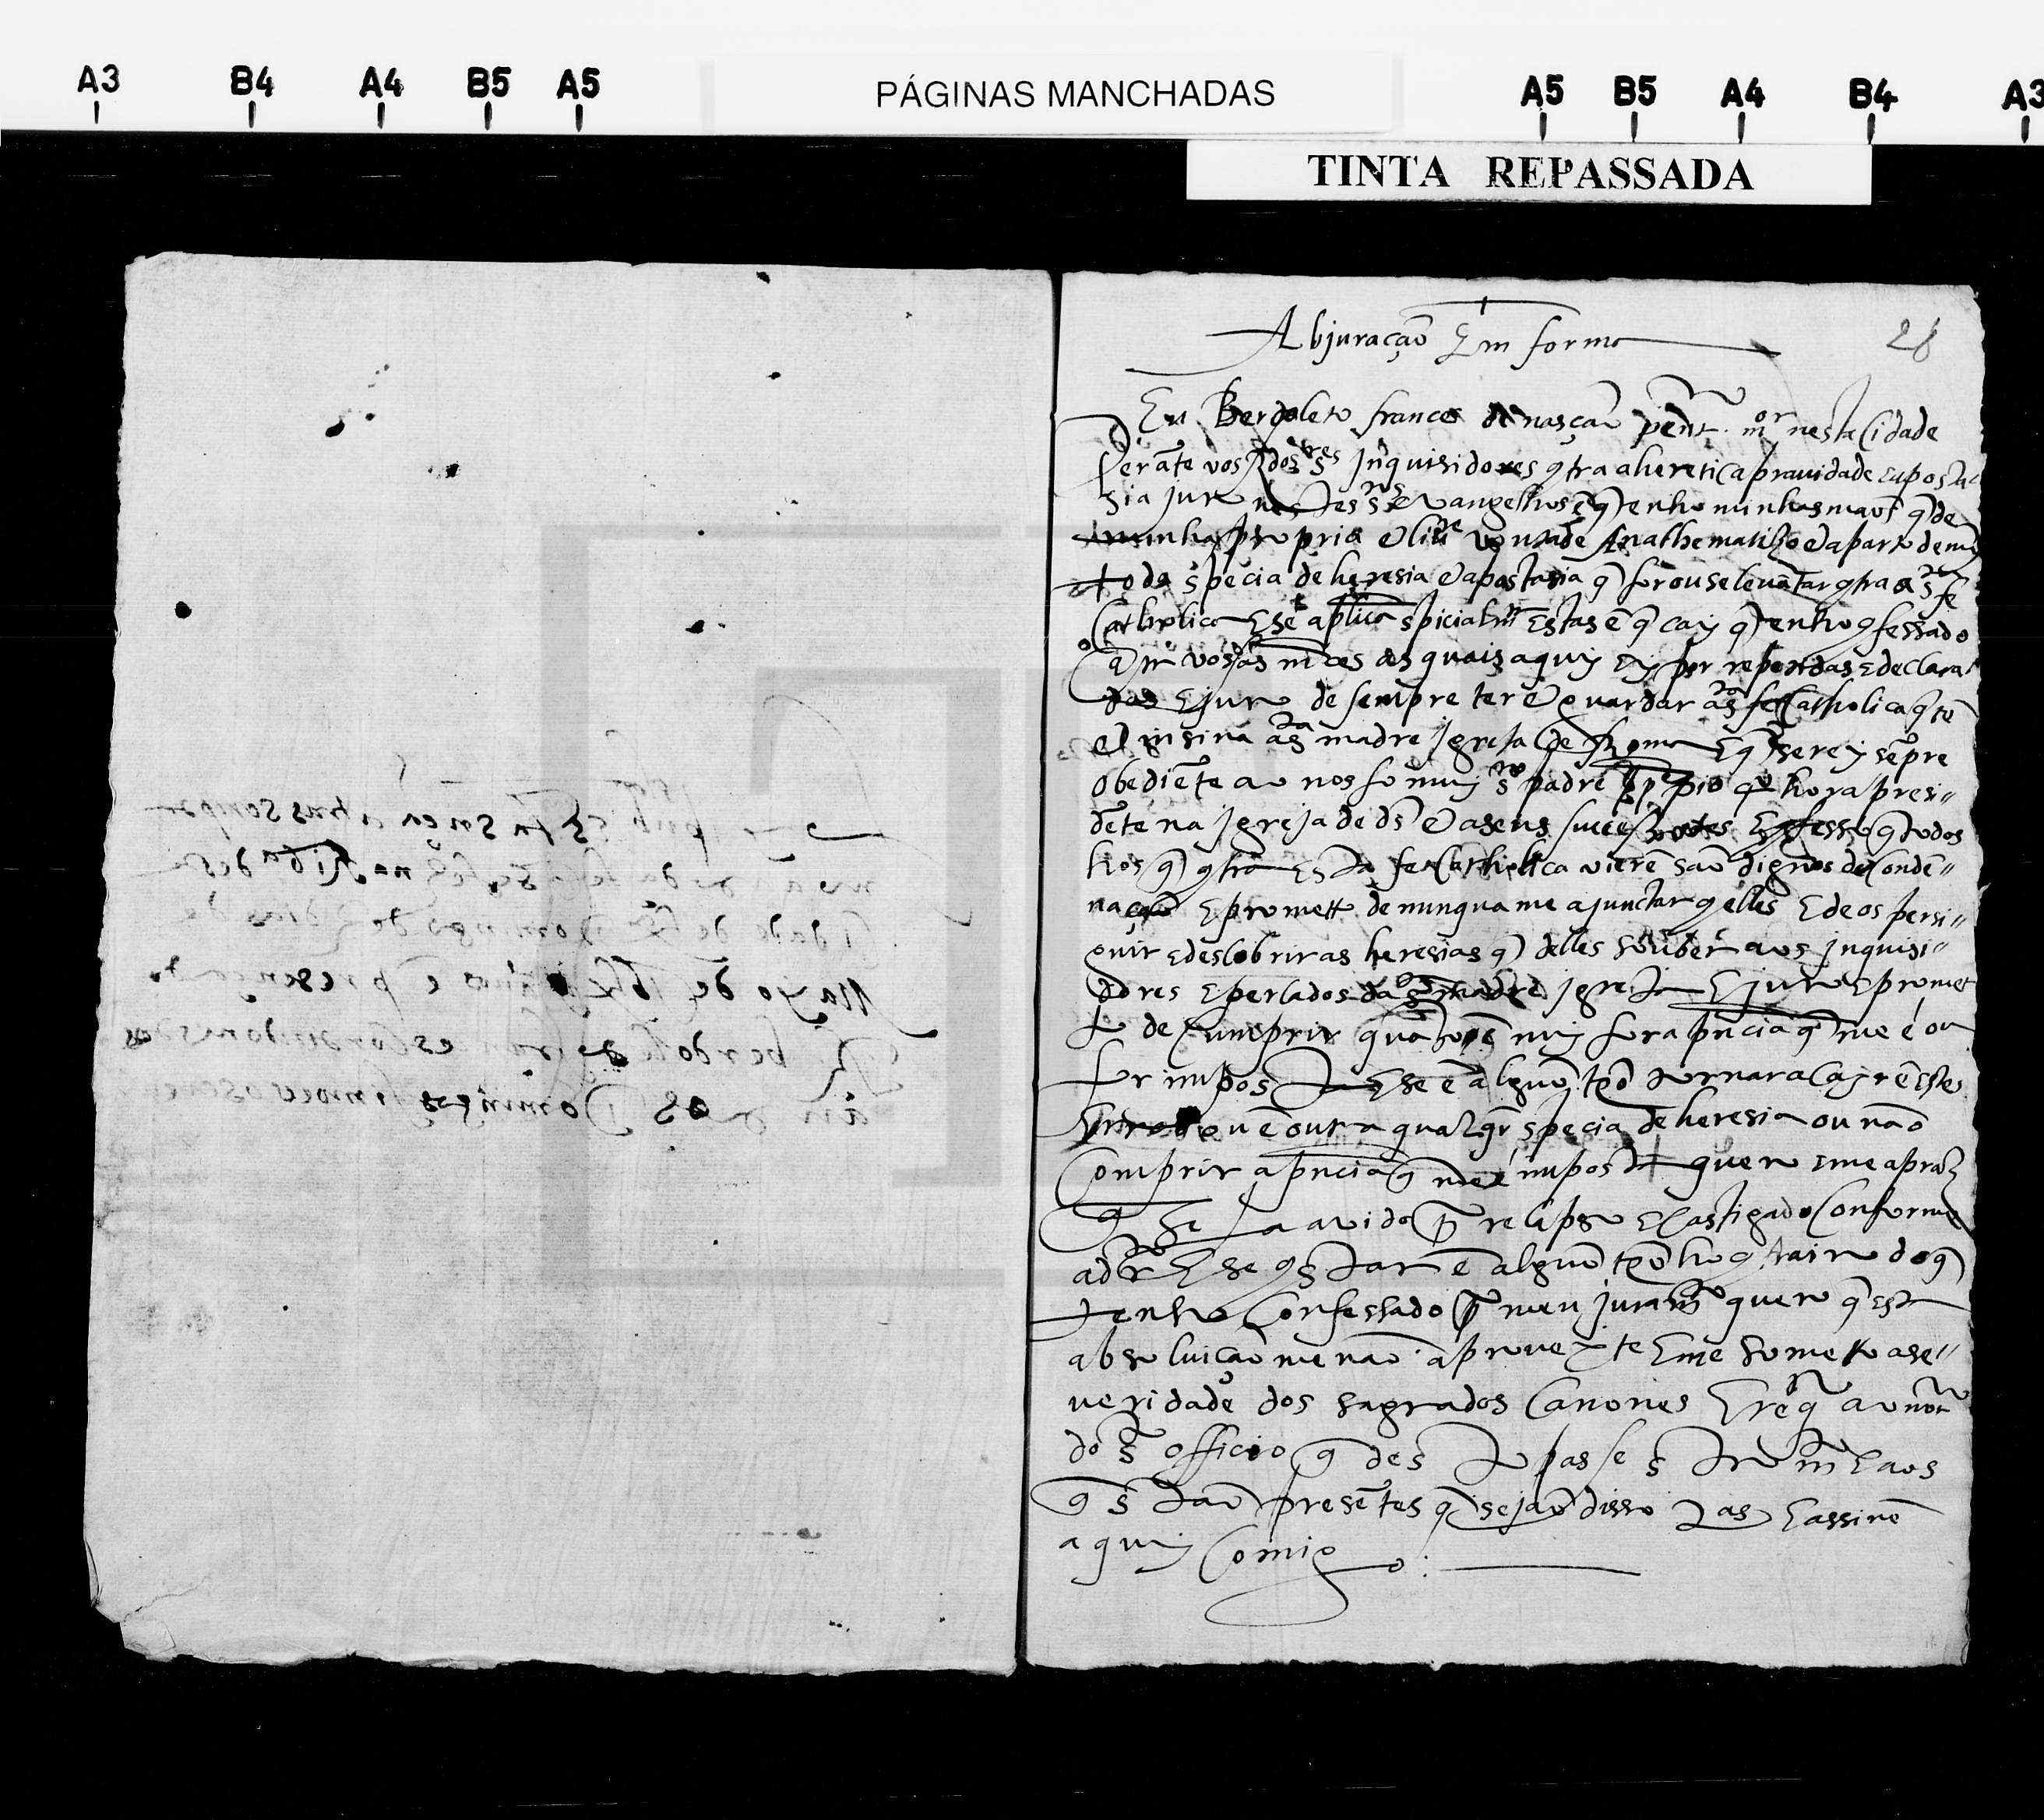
Abjuraçaõ Em forma
Eu Berdoleto frances de nasção pent.ro mor nesta Cidade
Perāte vos Rdos sres Jnquisidores ꝯtra a heretica prauidade E aposta
sia juro nestes stos evangelhos ē q̄ tenho minhas maõs q̄ de
minha propria e liure vontade Anathematizo e aparto de mȳ
toda specia de heresia e apostasia q̄ for ou se leuātar ꝯtra a sta fe
Catholica E se aplica spicialmte Estas ē q̄ cay q̄ tenho ꝯfessado
Em vossas m̄ces as quais aquy Ey por repetidas E declara
das E juro de sempre ter e guardar a sta fe Catholica q̄ tē
e insina a sta madre Jgreja de Roma E q̄ serey sēpre
obediēte ao nosso muy sto padre p̄p̄ pio q̄ hora presi
dēte na Jgreja de ds̄ e a seus successores E ꝯfesso q̄ todos
hos q̄ ꝯtra Esta fee Catholica vierē saõ dignos de Condē
naçaõ E prometto de nunqua me ajunctar ꝯ elles E de os persi
guir E descobrir as heresias q̄ delles souber aos jnquisi
dores E perlados da sta madre jgreja E juro E promet
to de Cumprir quāto ē my fora pn̄cia q̄ me é ou
for imposta E se ē alguō tpō tornar a cajr ē Estes
Erros ou ē outra qualq̄r specia de heresia ou não
Comprir a pncia q̄ me é imposta quero E me apraz
q̄ he Ja avido p̄o relapso E Castigado Conforme
a drto E se ꝯstar ē algūo tpō ho ꝯtrairo do q̄
tenho Confessado p̄o meu Juramto quero q̄ Esta
absoluição me não aproueyte E me sometto a se
ueridade dos sagrados Canones E reqro ao notro
do sto officio q̄ desto passe stromto E aos
q̄ staõ presētes q̄ sejaõ disso tas E assinē
aquj Comigo
